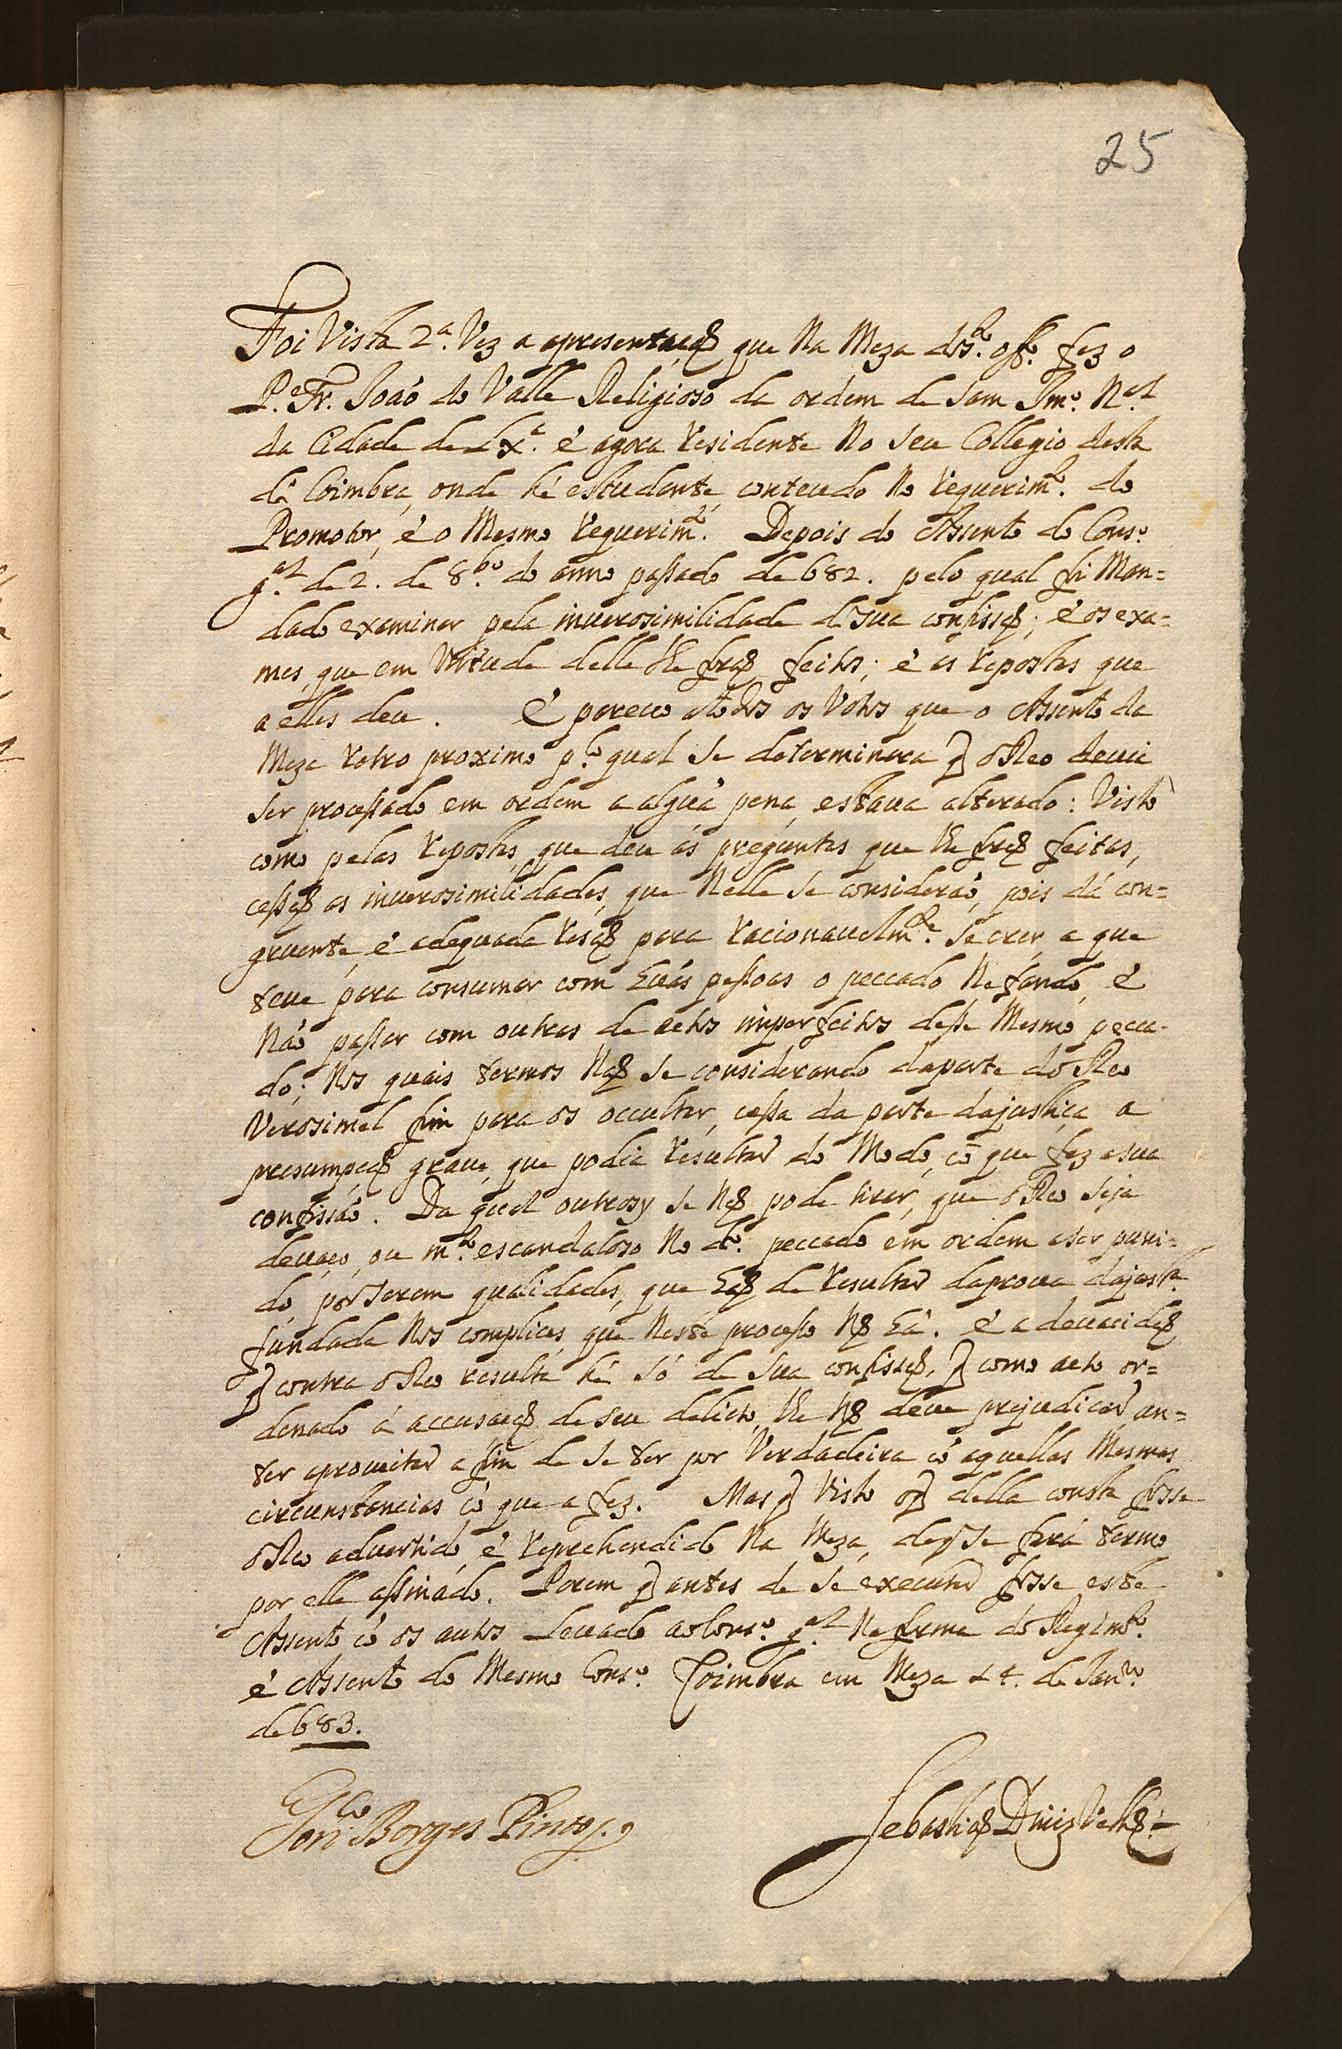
Foi Vista 2.a Vez a apresentaçaõ que Na Meza do s.to off.o fez o
P.e Fr. Ioaõ do Valle Religioso da ordem de Sam Im.o N.al
da Cidade de Lx.a e agora residente No seu Collegio desta
de Coimbra, onde hé estudante, conteudo no requerim.to do
Promotor, e o Mesmo requerim.to Depois do Assento do Cons.o
g.al de 2. de 8.bro do anno passado de 682. pelo qual foi Man
dado examinar pela inuerosimilidade de sua confissaõ; e os exa
mes, que em virtude delle lhe foraõ feitos; e as repostas que
a elles deu. E pareceo a todos os Votos que o Assento de
Meza retro proximo p.lo qual se determinara q̄ o Reo deuia
ser processado em ordem a alguā pena, estaua alterado: Visto
como pelas repostas, que deu ás preguntas que lhe foraõ feitas,
cessaõ as inuerosimilidades, que Nelle se consideraõ, pois dá con
gruente, e adequada resaõ para racionauelm.te se crer, a que
teue pera consumar com huās pessoas o peccado Nefando, e
naõ passar com outras de actos imperfeitos desse Mesmo pecca
do; Nos quais termos Naõ se considerando da parte do Reo
verosimel fim para os occultar, cessa da parte da justiça a
presumpçaõ graue, que podia resultar do Modo, cō que fez a sua
confissaõ. Da qual outrosy se naõ pode tirar, que o Reo seja
deuaço, ou m.to escandaloso No d.o peccado em ordem a ser puni
do, por serem qualidades, que haõ de resultar da proua da just.a
fundada Nos complices, que Neste processo Naõ há. e a deuacidaõ
q̄ contra o Reo resulta hé só de sua confissaõ, q̄ como acto or
denado á accusaçaõ de seu delicto, lhe nꝭ deue prejudicar, an
tes aproueitar a fim de se ter por Verdadeira cō aquellas Mesmas
circunstancias cō que a fez. Mas q̄ Visto o q̄ della consta fosse
o Reo aduertido, e reprehendido Na Meza, de q̄ se fará termo
por elle assinado. Porem q̄ antes de se executar fosse este
Assento cō os autos Leuado ao Cons.o g.al Na forma do Regim.to
e Assento do Mesmo Cons.o Coimbra em Meza 14 de Ian.ro
de 683.
Sebastiaõ Diniz Velho
Gon.co Borges Pinto
